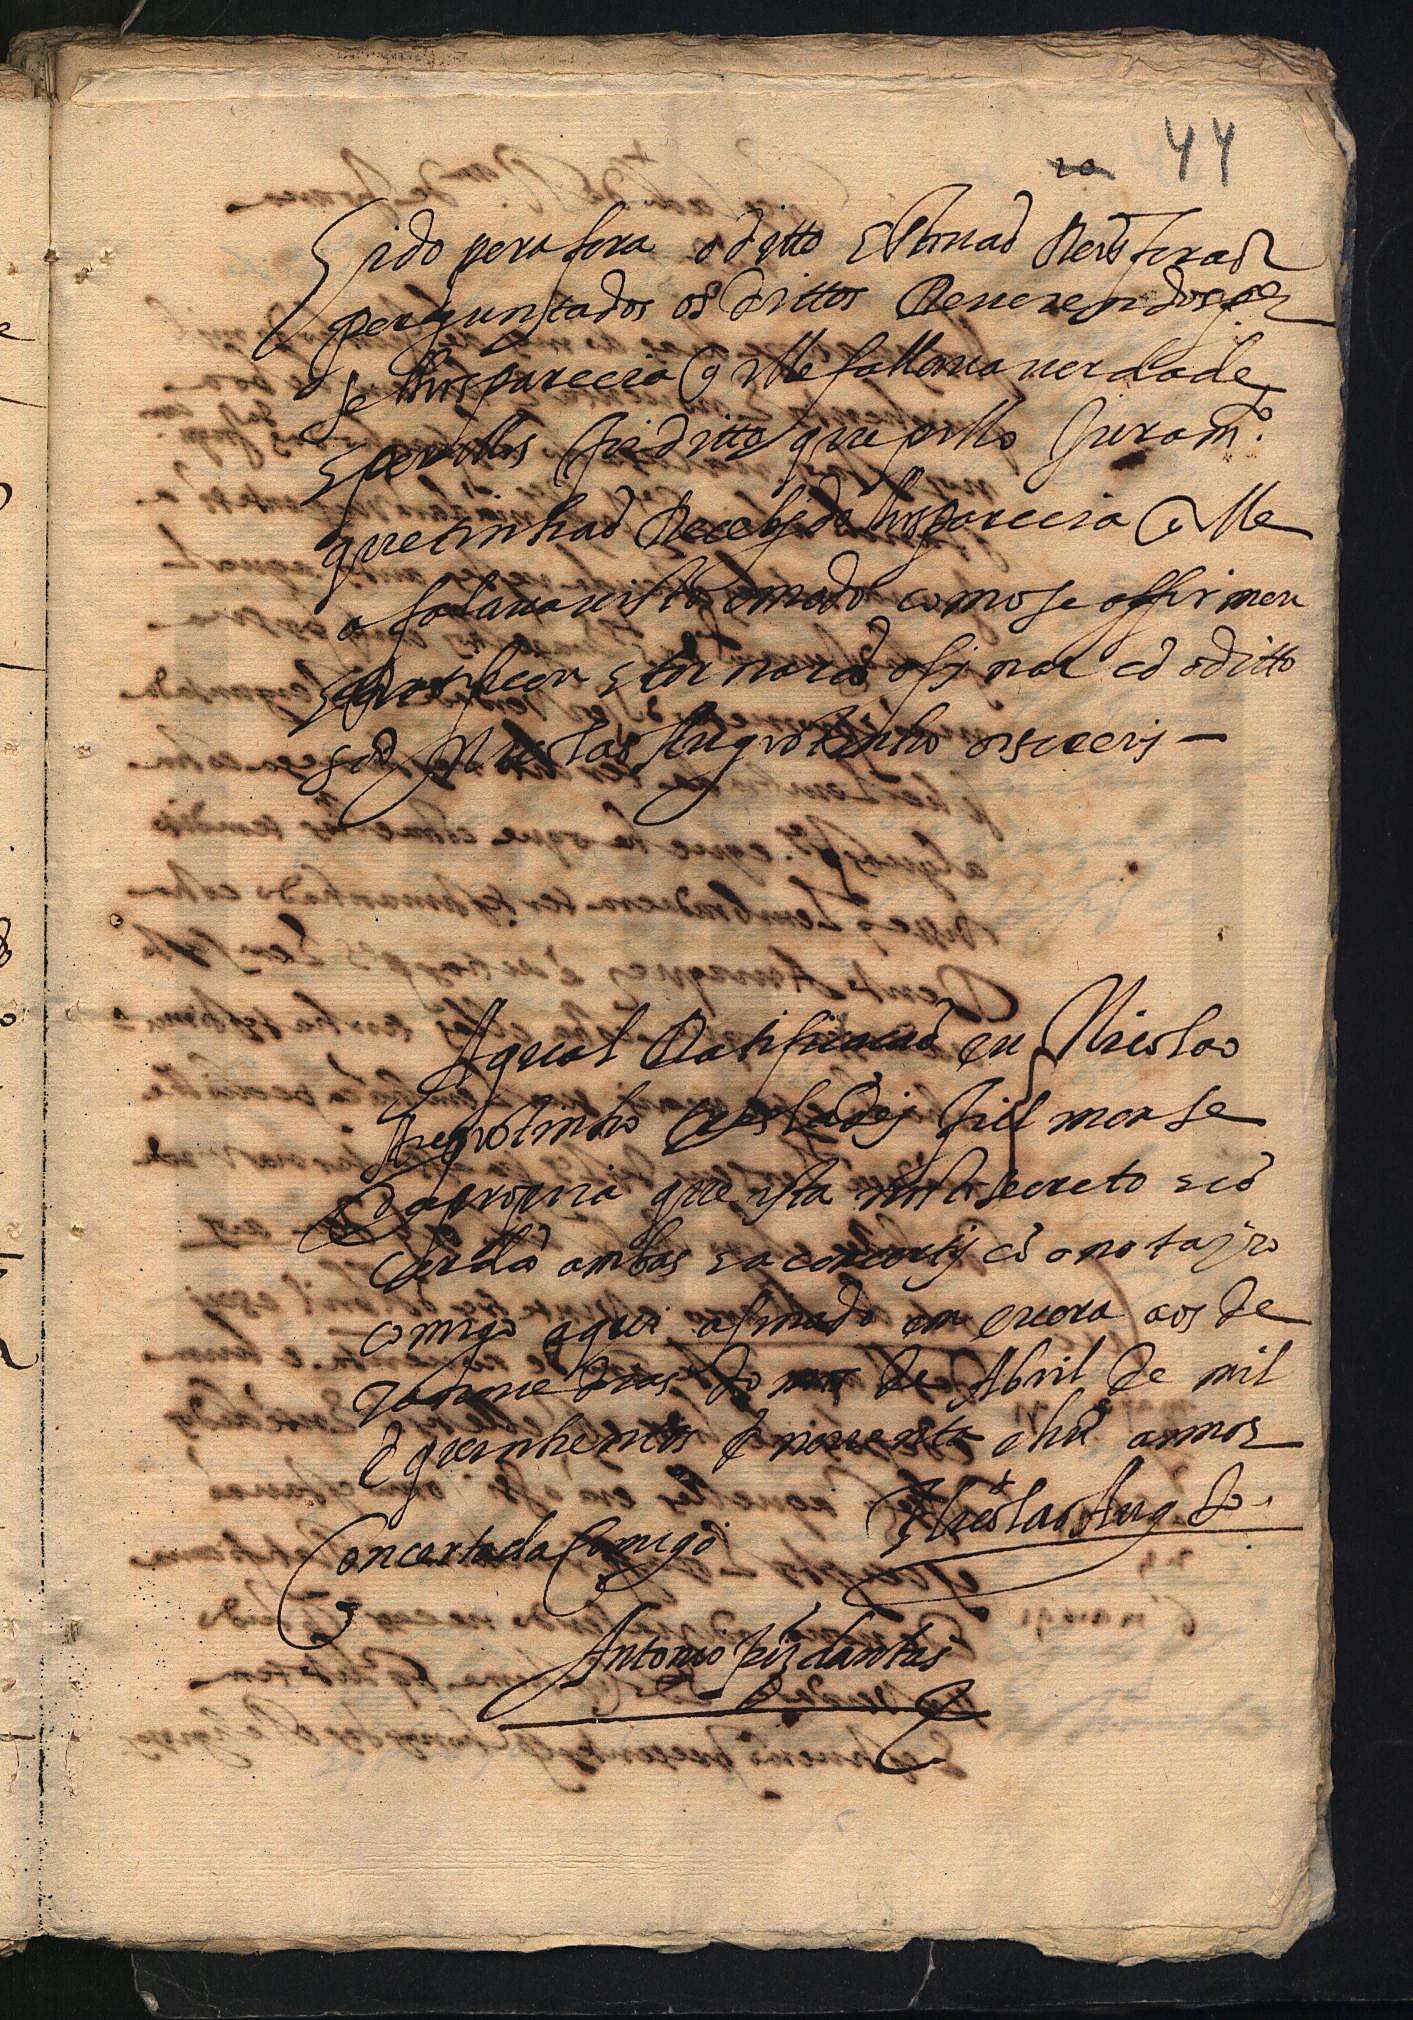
E ido pera fora o ditto Esteuaõ Rois̄ foraõ
perguntados os dittos Reuerendos p.es
se lhes parecia q̄ elle fallaua uerdade
E per elles foi ditto que pello Juram.to
que tinhaõ Recebjdo lhes parecia q̄ elle
o falaua uisto o modo como se affirmou
E Ratificou E tornaraõ asynar cō o ditto
sor̄ nicolao Augostinho o escrevj -
A qual Ratificaçaõ eu Nicolao
Augostinho tresladej fielmente
da propria que esta neste secreto E cō
cordaõ ambas E a concertej cō o notajro
comigo aqui asinado em euora aos de
zanoue dias do mes de Abril de mil
e quinhentos e nouenta e hū annos
Nicolao Augto
Concertada Comigo
Antonio pīz dantas
